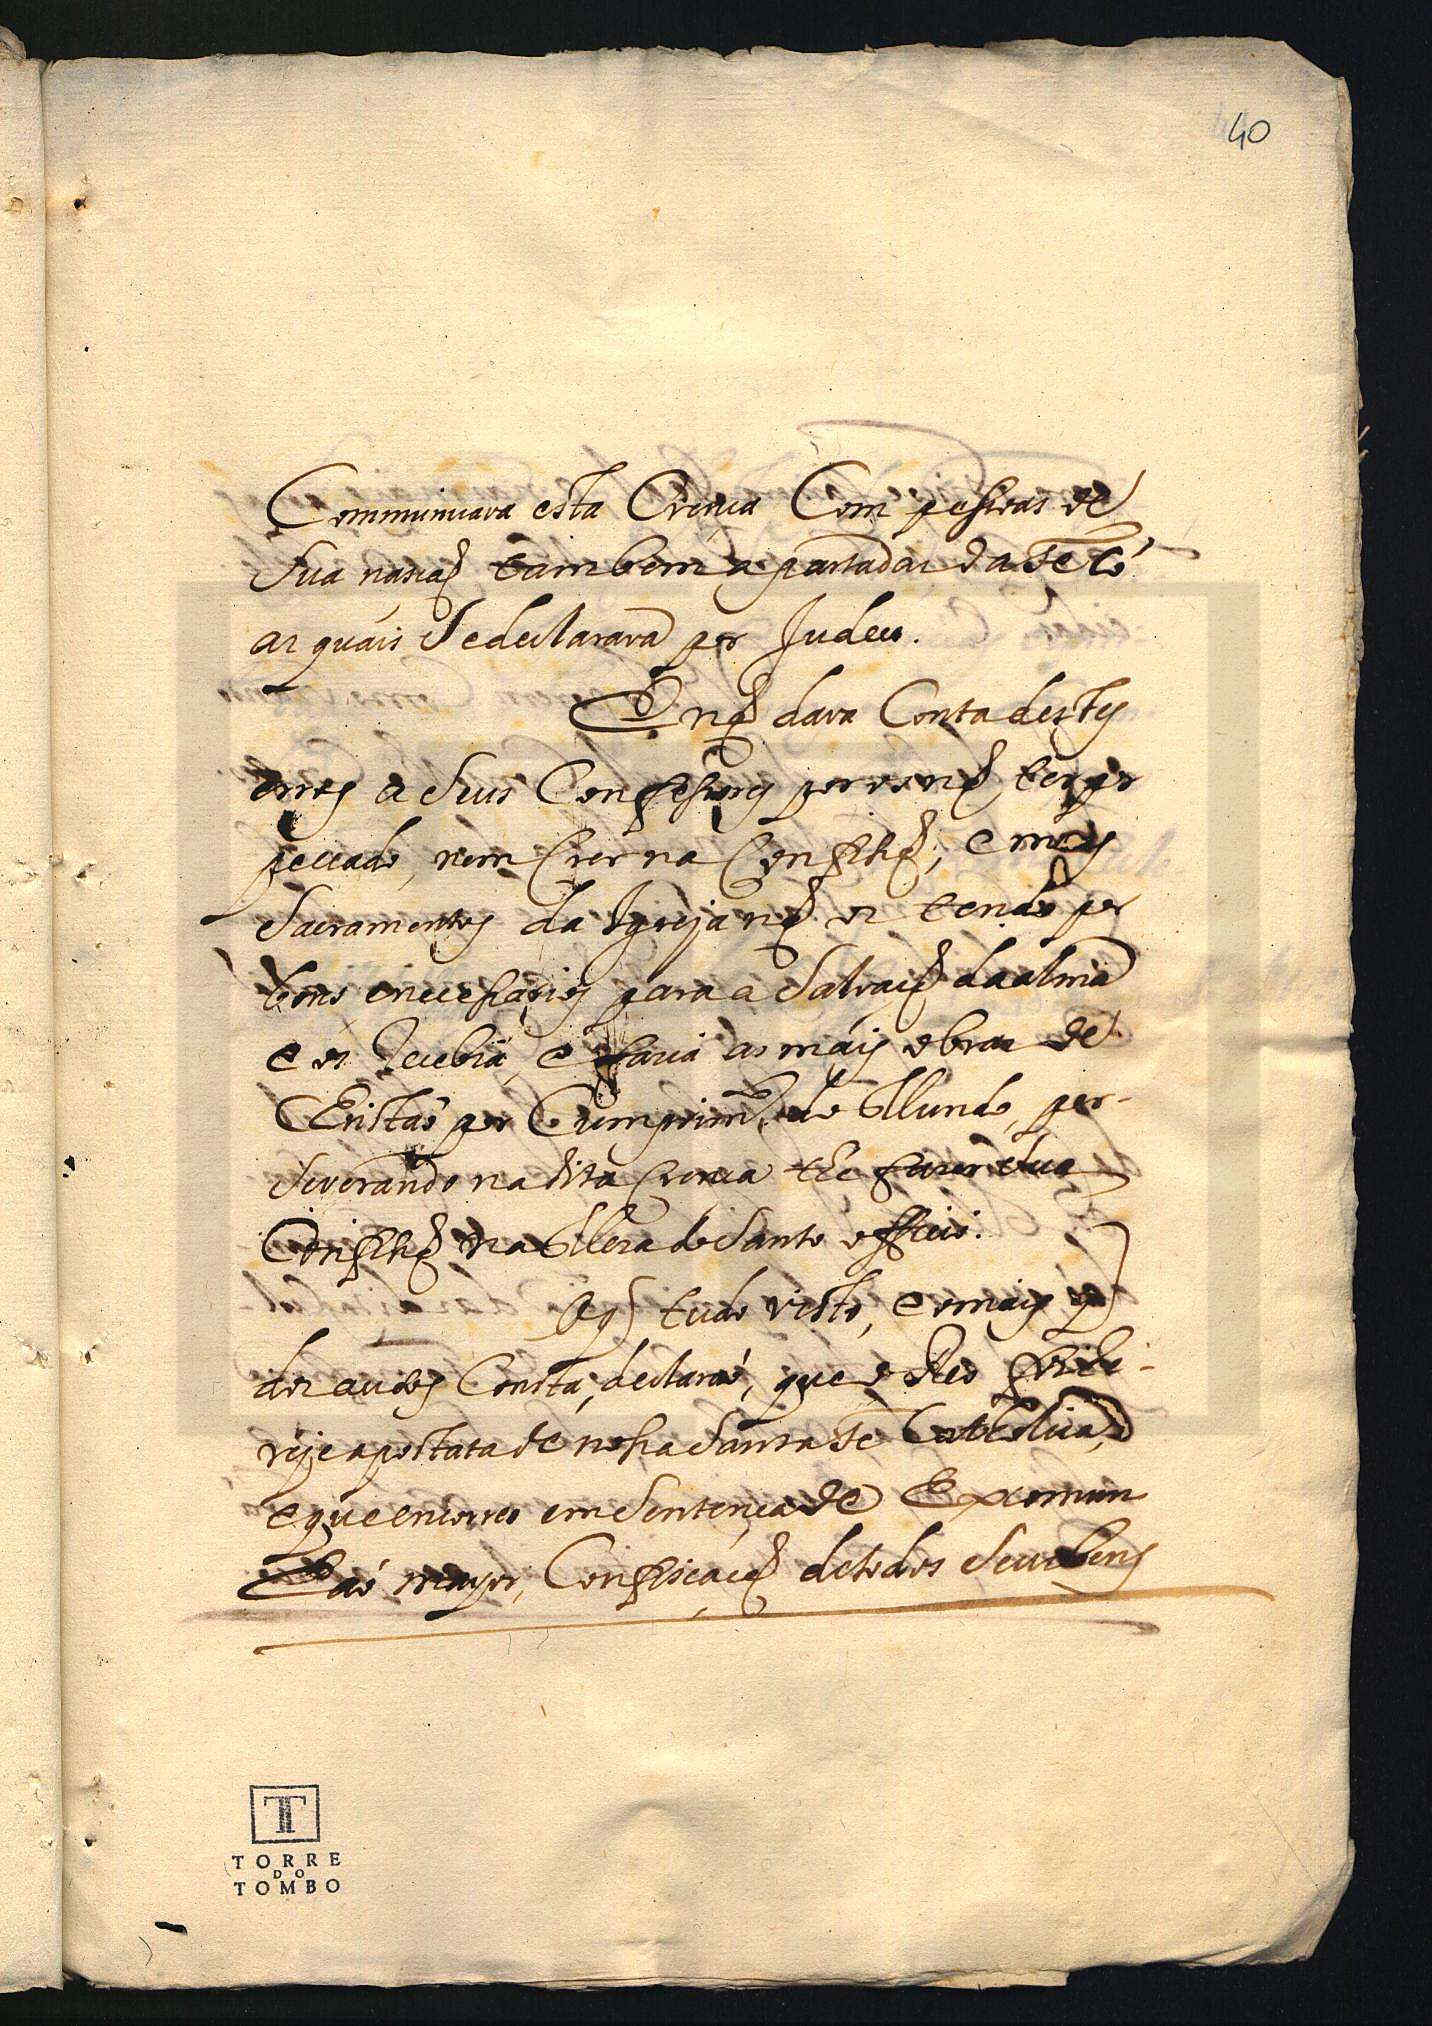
Communicava esta Crença Com pessoas de
Sua nasçaõ tambem apartadas da Fe cō
as quais Se declarava por Judeu.
E naõ dava Conta destes
erros a Seus Confessores por os naõ ter por
peccado, nem Crer na Confissaõ, e m_s
Sacramentos da Igreja naõ os tendo por
bons e necessarios para a Salvaçaõ da alma
e os Recebia e fazia as mais obras de
Christaõ por Cumprim.to do Mundo, per
severando na dita Crença thé fazer Sua
Confissaõ na Meza do Santo officio.
O q̄ tudo visto, e o mais q̄
dos autos Consta, declaraõ, que o Reo foi he
reje apostata de nossa Santa Fe Catholica,
e que encorreo em Sentença de Excomun
haõ mayor, Confiscaçaõ de todos Seus bens
